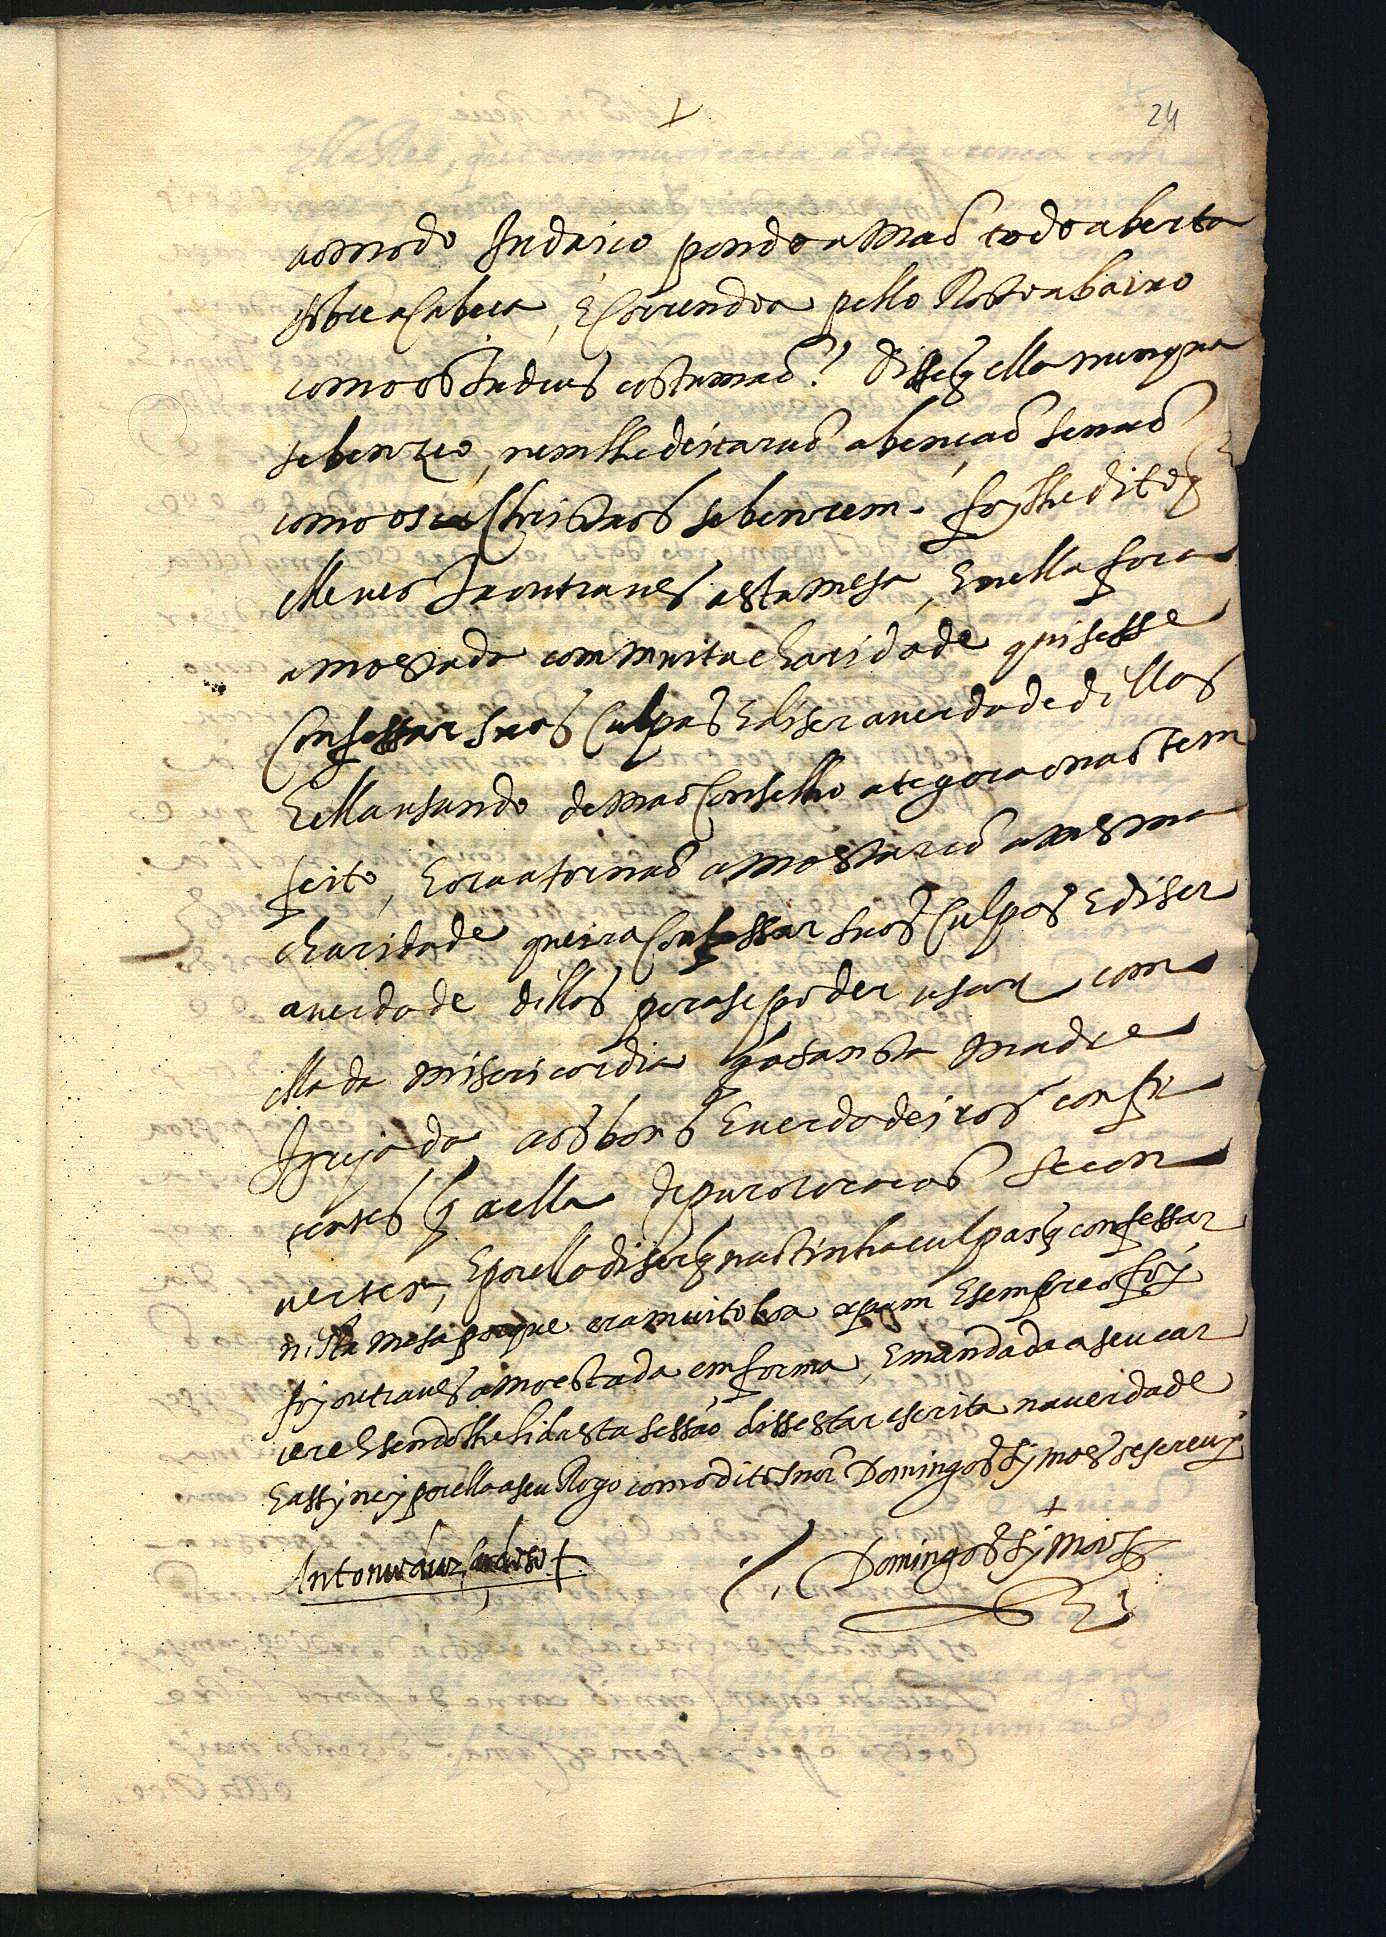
ao modo Judaico pondo a maõ todo aberta
sobre a Cabeça, E Correndoa pello Rosto abaixo
como os Iudeus costumaõ? Disse q̄ ella nunqua
se benzeo, nem lhe deitaraõ a bençaõ senaõ
como os iu Christaos se benzem. foylhe dito q̄
elle ueo Ja outra ues a esta mesa, E nella fora
amoestada com muita charidade quisesse
Confessar suas Culpas E diser a uerdade dellas
E ella usando de mao Conselho ate gora o naõ tem
feito, E ora a tornaõ amoestar cō a mesma
charidade queira Confessar suas Culpas E diser
a uerdade dellas pera se poder usar com
ella da misericordia q̄ a santa madre
Jgreja da aos bons E uerdadeiros confi
tentes q̄ a ella de puro coracaõ se con
uertem, E por ella diser q̄ naõ tinha culpas q̄ confessar
nesta mesa porque era muito boa xpam E sempre o foy
foy outra ues amoestada em forma, E mandada a seu car
cere E sendolhe lida esta sessão disse estar escrita na uerdade
E assyney por ella a seu Rogo com o dito snor̄ Domingos Symoes o escreuj
